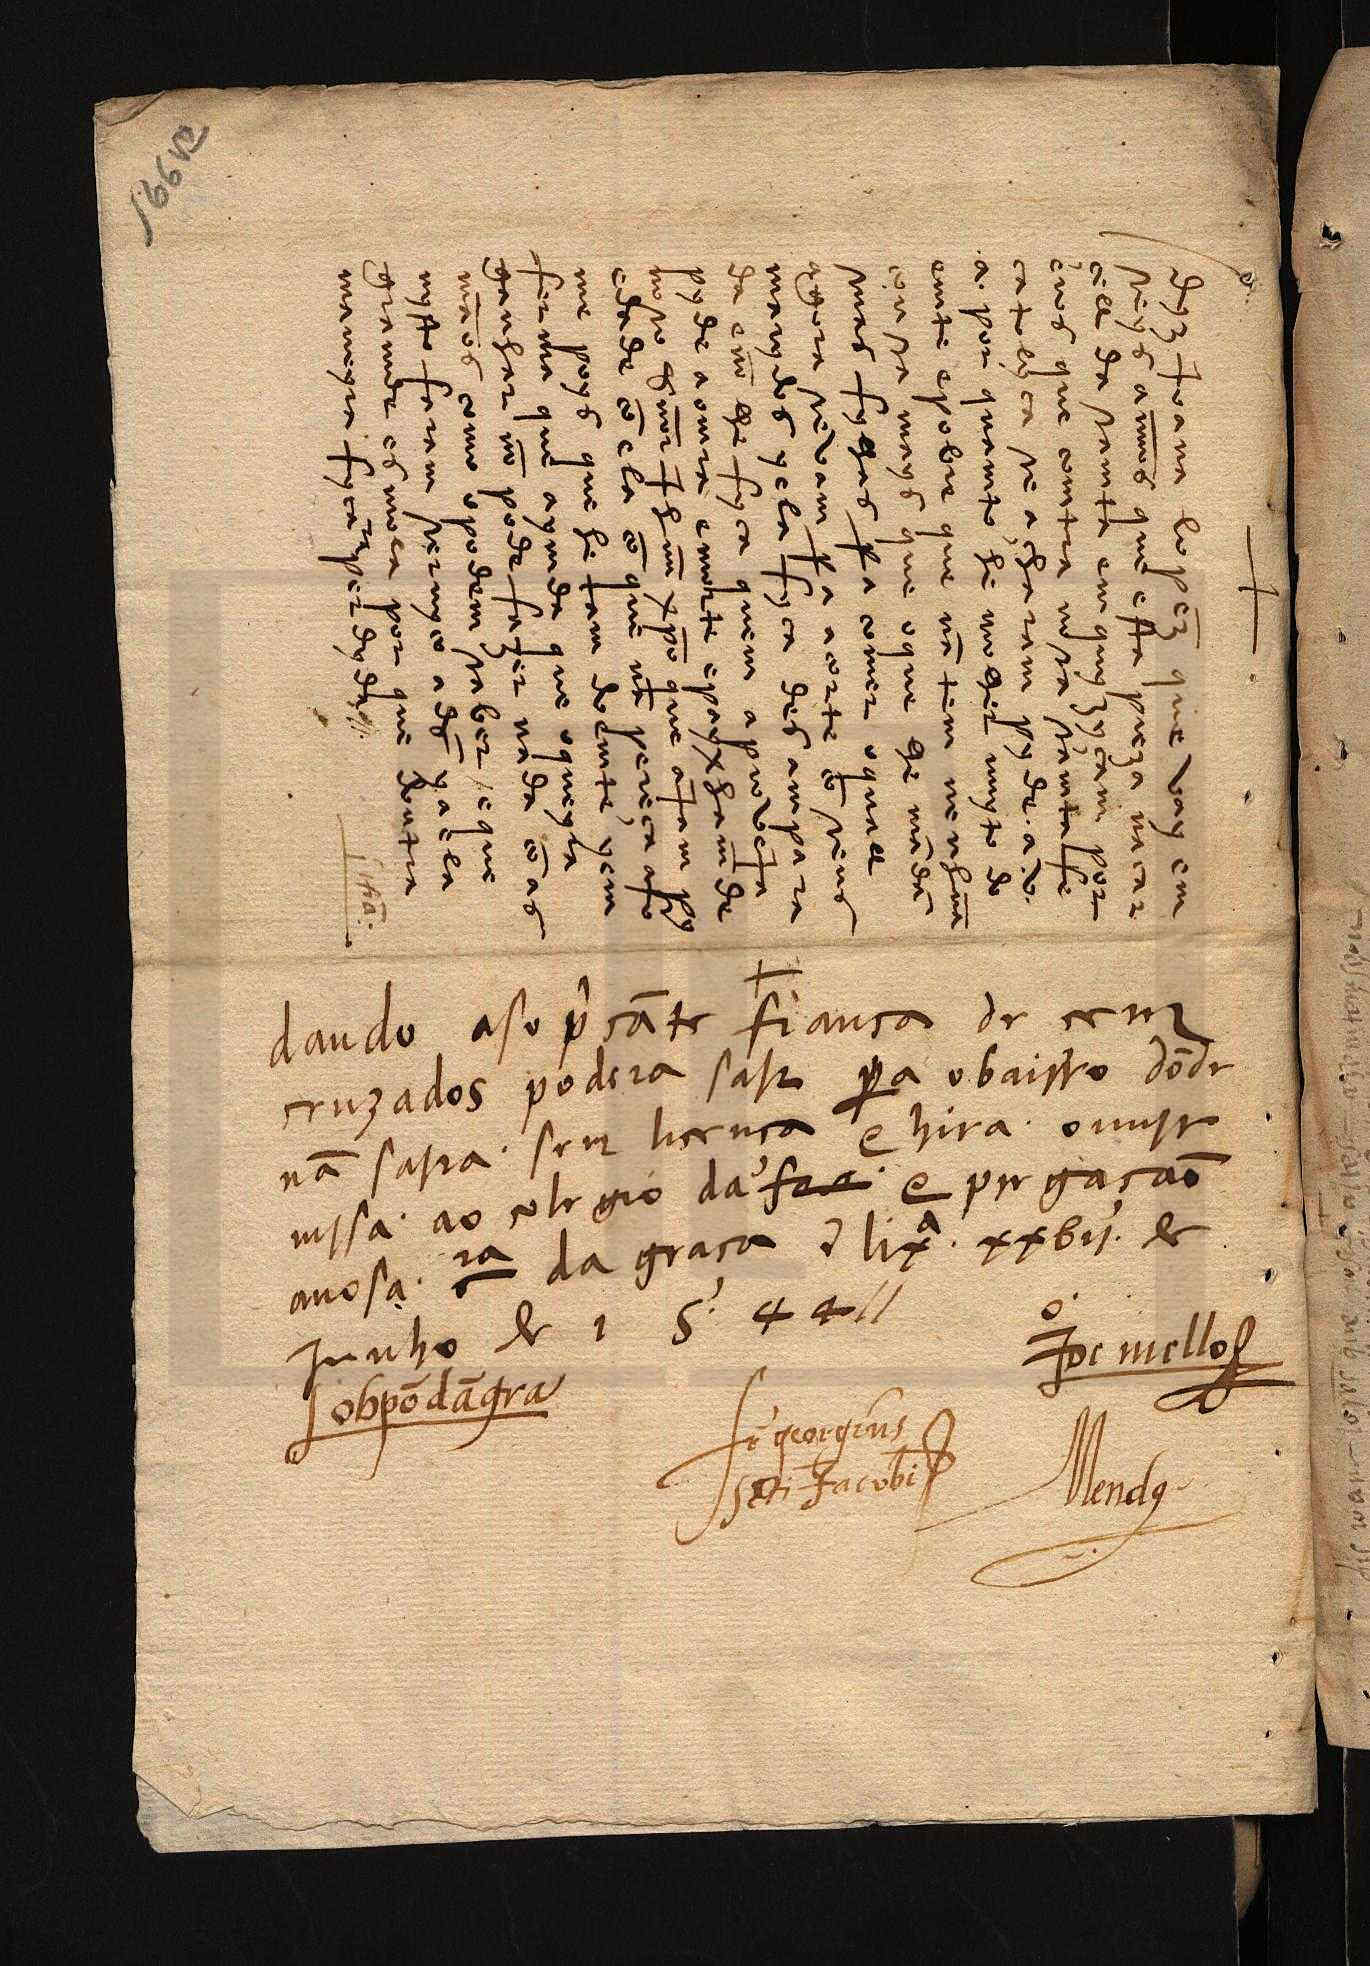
dyz Joana lopez que vay em
seys annos que esta preza na car
cell da samta emquyzyçam por
eros que comtra nosa samta fe
catolyca se acharam pyde a .v.
.a. porquamto he molher muyto do
emte e pobre que nā tem nenhuā
cousa mays que o que lhe mādā
suas fylhas ꝑa comer o quall
agora se vam ꝑa a corte c̄o seus
marydos y ela fyca desampara
da e n̄o lhe fyca quem a proveJa
pyde a omra e morte e payxham de
noso Snōr Jhuū xp̄o que aJam py
edade cō ela cō que nā pereça a fo
me poys que he tam doemte y em
ferma que aymda que o queyra
ganhar nō pode fazer nada cō as
mãos como o podem saber / e que
nysto faram seruyço a ds̄ y a ela
gramde esmola porque doutra
maneyra fycara perdyda /.
dando a sopicāte fiança de cem
cruzados podera saJr ꝑa o bairro dōde
nā sajra. sem licença e hira. ouujr
mjsa ao colegio da fee e pregaçaõ
a nosa. sra da graça ē lixa. xxbij. de
Junho de 1544 //
Jo de mello /
o bpō dāgra
fr̄ georgius
Sc̄ti Jacobi
Mendꝯ
